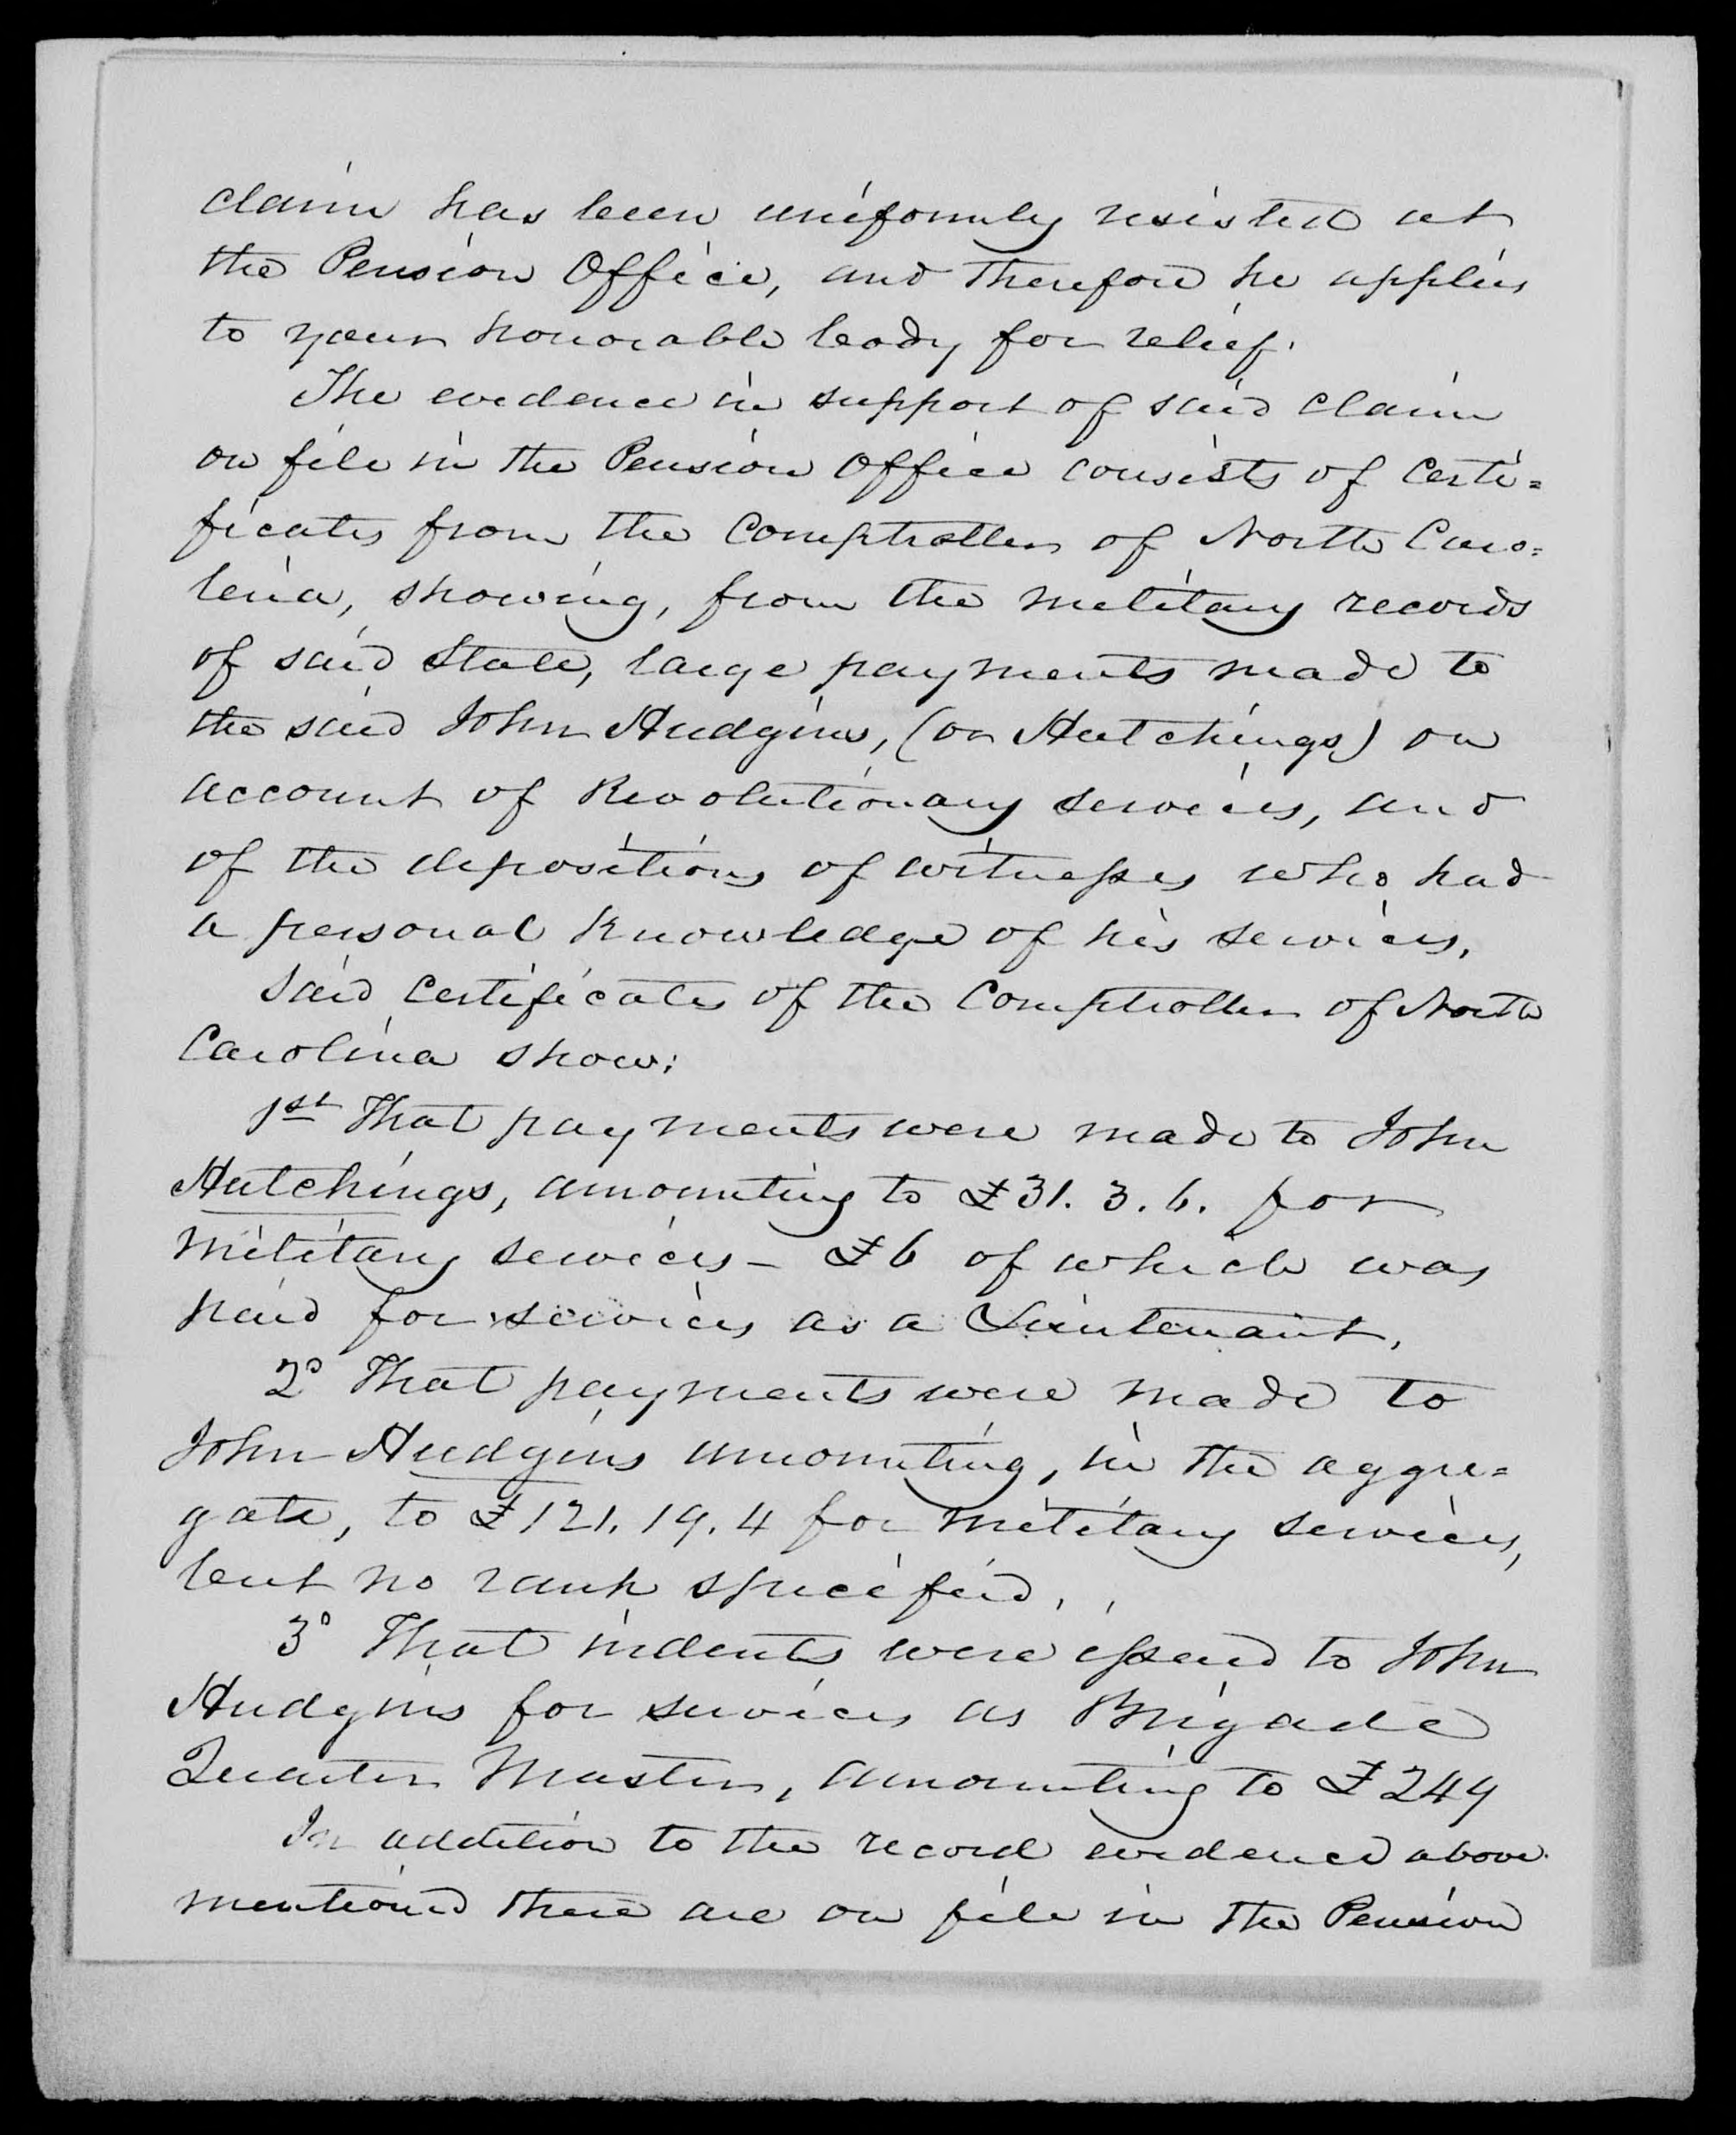Claim has been uniformly resisted at the Pension Office, and therefore he applies to your honorable body for relief.
     The evidence in support of said claim on file in the Pension Office consists of Certificates from the Comptroller of North Carolina, showing from the military record of said State, large payments made to the said John Huggins (or Hutchings) on account of Revolutionary services, and of the depositions of witnesses who had a personal knowledge of his services.
     Said Certificate of the Comptroller of North Carolina show:
     1st that payments were made to John Hutchings, amounting to L31.2.6. For military services - L6 of which was paid for services as a Lieutenant.
     2nd that payments were made to John Hudgins amounting in the aggregate, to L121.19.4 for military services but no rank specific.
     3rd that indents were issued to John Hudgins for services as Brigade Quarter Master, amounting to L249
     In addition to the record widowed above mentioned there are on file in the Pension 

(*Please note amounts indicated above are in pounds. I was unable to place two horizontal lines through the vertical line of the L)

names: John Hutchings, John Hudgins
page: 101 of 108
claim: rejected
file: R. 7,515, John Hudgins, N.C.